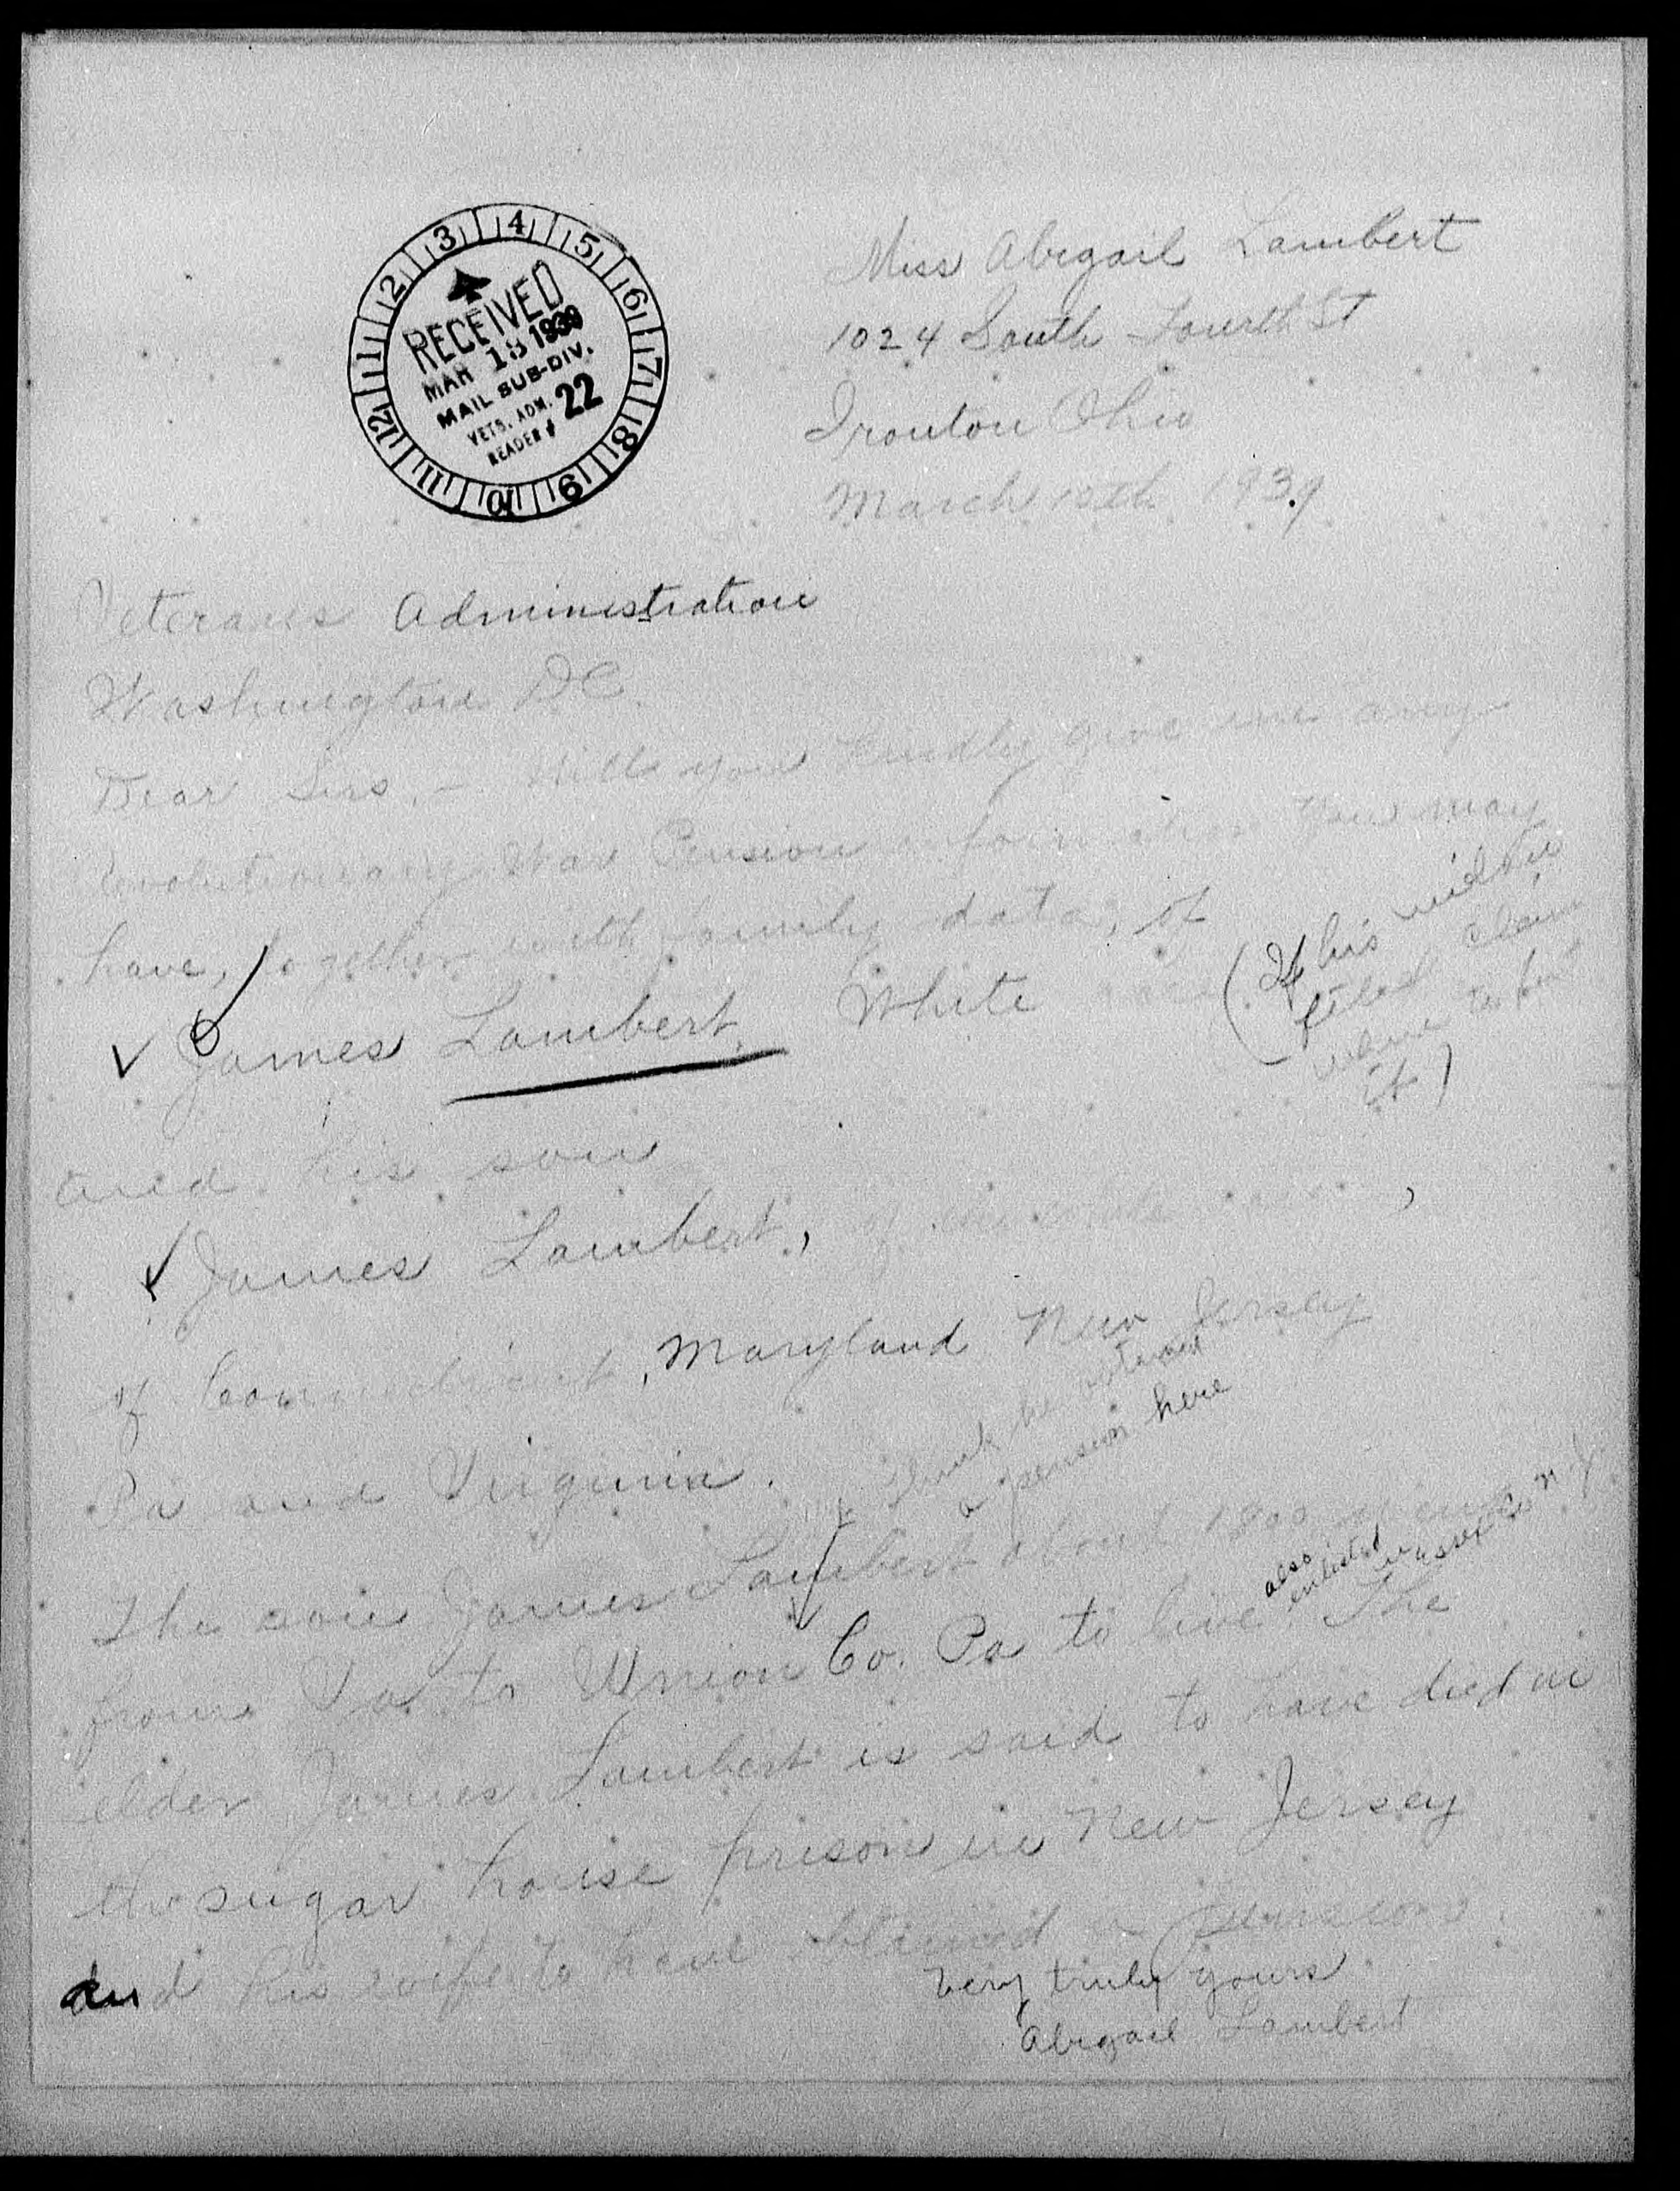Miss Abigail Lambert
1024 South Fourth St
Ironton Ohio
March 10th, 1939
[Stamp] Received Mar 13 Mail Sub-Div
Vets Adm Reader #22

Veterans Administration
Washington D.C.
Dear Sirs, Will you kindly give me any Revolutionary War Pension information you may have, together with family data of
James Lambert White race
(If his widow filed claim where to find it)
and his son
James Lambert of the white race of Connecticut, Maryland, New Jersey Pa and Virginia Think he obtained a pension here
The said James Lambert about 1800 went from Va, to Union Co. Pa to live. also enlisted in Essex Co., N.J.
The Elder James Lambert is said to have died at 
the sugar house prison in New Jersey and his wife to have obtained a pension
very truly yours
Abigail Lambert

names: James Lambert; Abigail Lambert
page: 27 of 49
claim: widow's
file: W. 859, for James Lambert, New Jersey